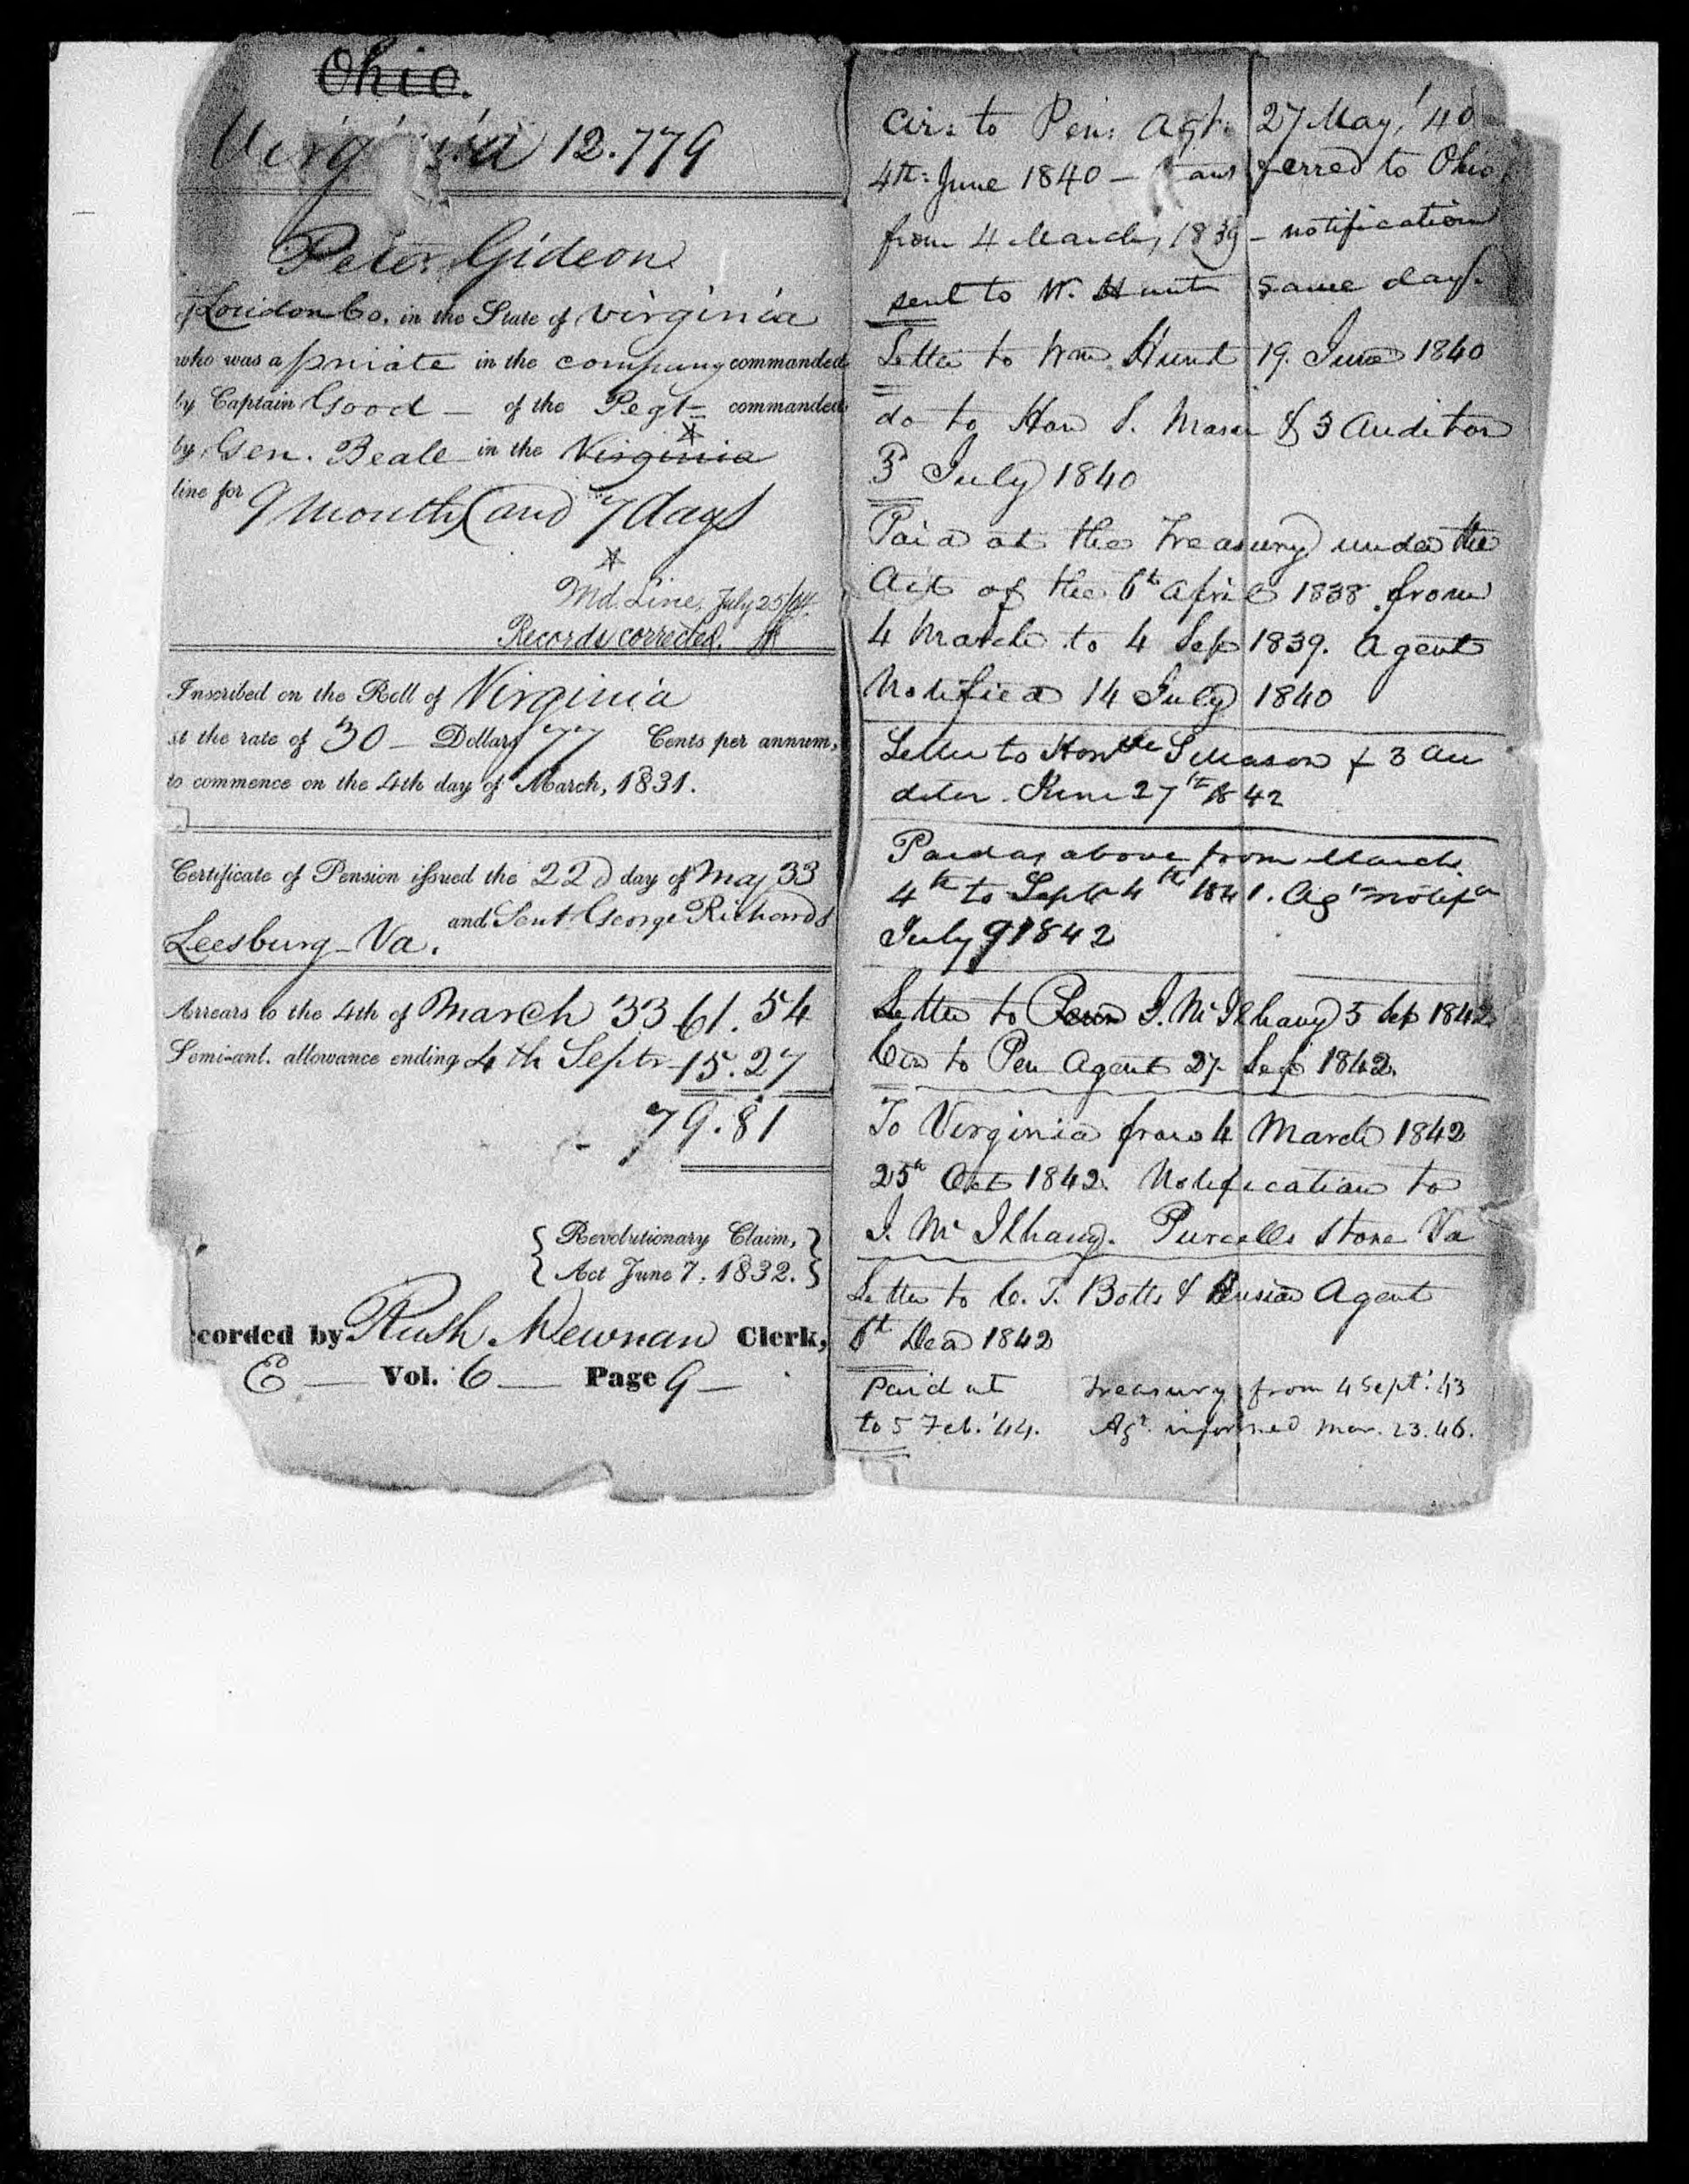[Left hand page]
Ohio [crossed out]
Virginia 12.779
Peter Gideon
of Loudon Co. in the State of Virginia
who was a private in the company commanded by Captain Good of the Regt commanded 
by Gen. Beale in the Virginia [Virginia crossed out with a star above]
line for 9 month and 7 days
[star symbol]
Md. Line, July 25
Records corrected. [illegible initials]

Inscribed on the Roll of Virginia
at the rate of 30- Dollars 77 Cents per annum
to commence on the 4th day of March, 1831.

Certificate of Pension issued the 22d day of May 33
Leesburg Va. and Sent George Richorrds

Arrears to the 4th of March 33 - 61.54
Semi-anl. allowance ending 4th Septs - 15.27
                                                      -79.81
{Revolutionary Claim,}
{Act June 7, 1832}
Recorded by Rush Dewnan Clerk
[torn corner] E ___  Vol. 6___ Page 9

[Right hand Page]
Cir: to Pen: agt. 27 May, '40
4th: June 1840 - transferred to Ohio
from 4 March, 1839 - notification 
sent to Wm. Hunt same day.
Letter to Wm. Hunt 19 June 1840
do to Hon S. Mason & 3 Auditor
3 July 1840
Paid at the Treasury under the 
Act of the 6th April, 1838. From
4th March to 4 Sep 1839. Agent
notified 14 July 1840
Letter to Hon S Mason & Auditor June 27th 1842
Paid [illegible] above from March 4th to Sept 4th 1841. Agt. notified July 9 1842
Letter to Pens [crossed out] J. Mc'Ilhany 5 Sep 1842.
Letter to Pen. Agent 27 Sep 1842
To Virginia From 4 March 1842 
25th Oct 1842. Notification to
J. Mc'Ilhany. Purcells Store Va
Letter to G. T. Botts & [illegible] Agent 
6th Dec 1842
Paid at Treasury from 4 Sept. '43
to 5 Feb. '44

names: Good, S Mason, J Mc Ilhany, C T Botts, Peter Gideon, S Mason, Beale, Wm Hunt, George Richards, J Mc Ilhany, W Hunt, Rush Newman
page: 2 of 64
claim: survivor's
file: S. 6887, Peter Gideon, Md.